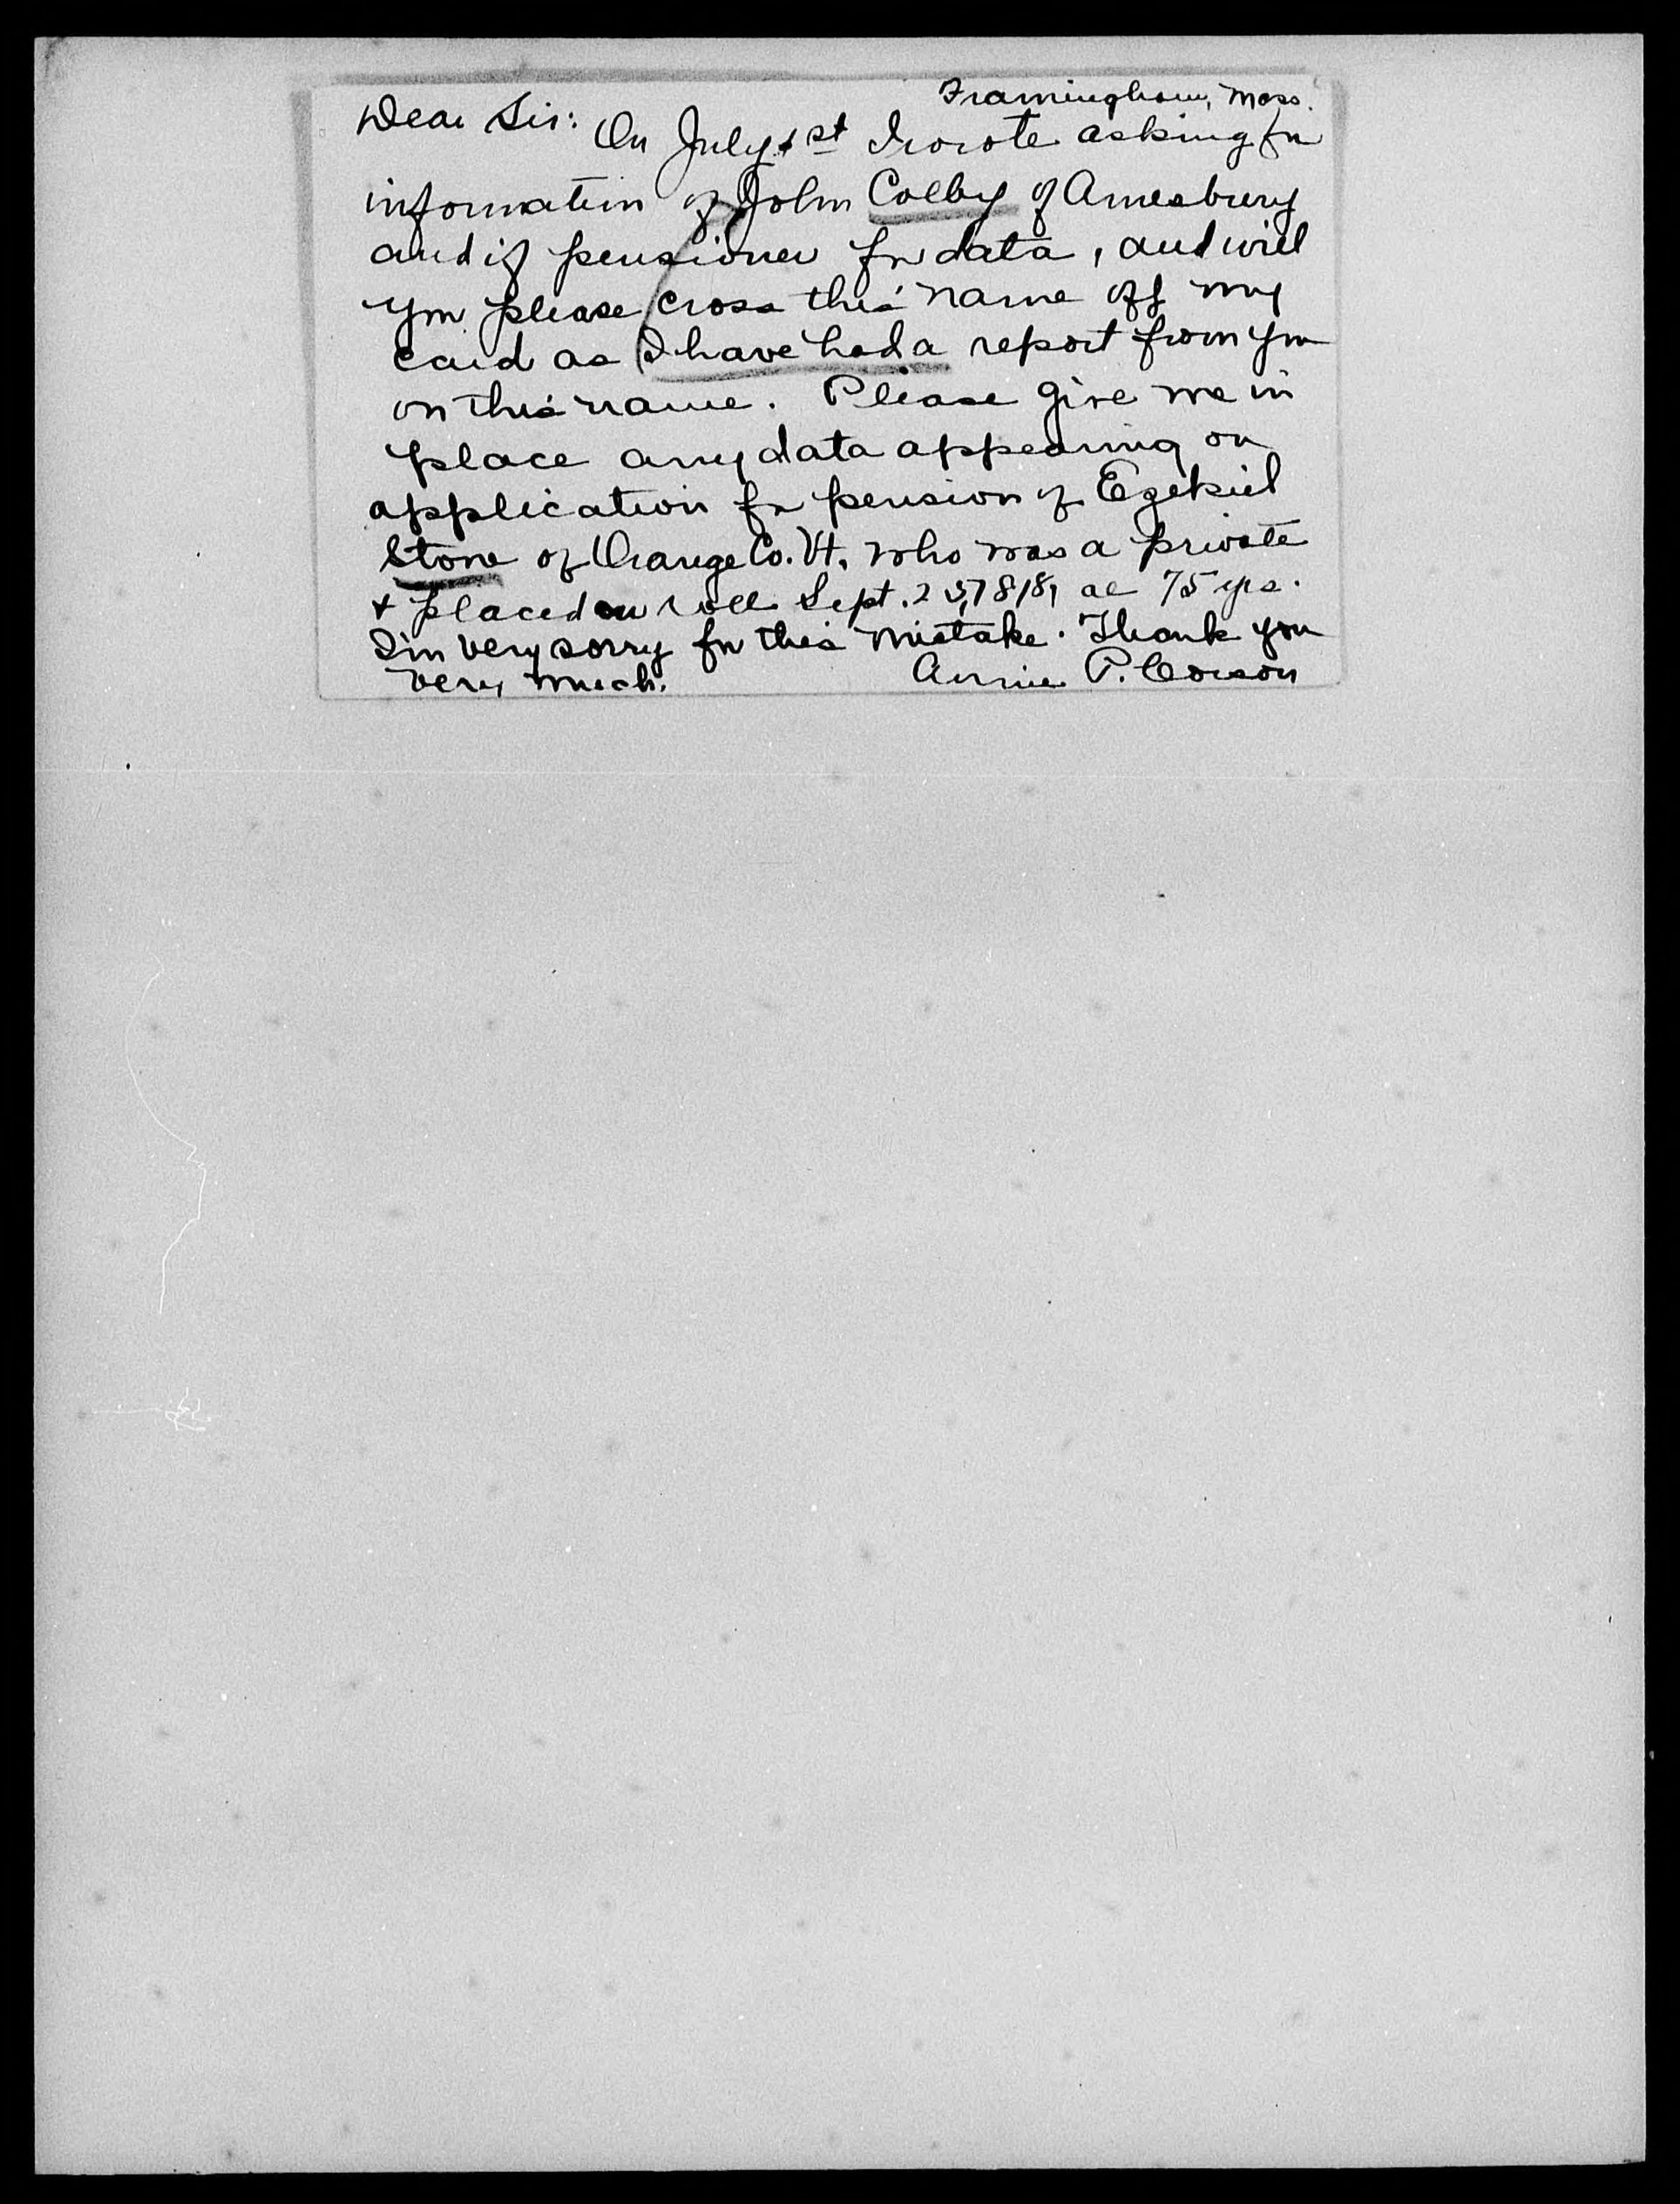Framingham, Mass.

Dear Sir:

On July 1st I wrote asking for information of John Colby [underlined] of Amesbury and if pensioner for data, and will you please cross this name off my card as I have had a [last 4 words underlined] report from you on this name.  Please give me in place any data appearing on application for pension of Ezekiel Stone [underlined] of Orange Co. Vt. who was a private & placed on roll Sept. 25, 1818, at 75 yrs.  I'm very sorry for this mistake.  Thank you very much.

Annie P. Corson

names: Annie P Corson; John Colby; Ezekiel Stone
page: 23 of 38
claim: survivor's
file: S. 43181, for Ezekiel Stone, New Hampshire